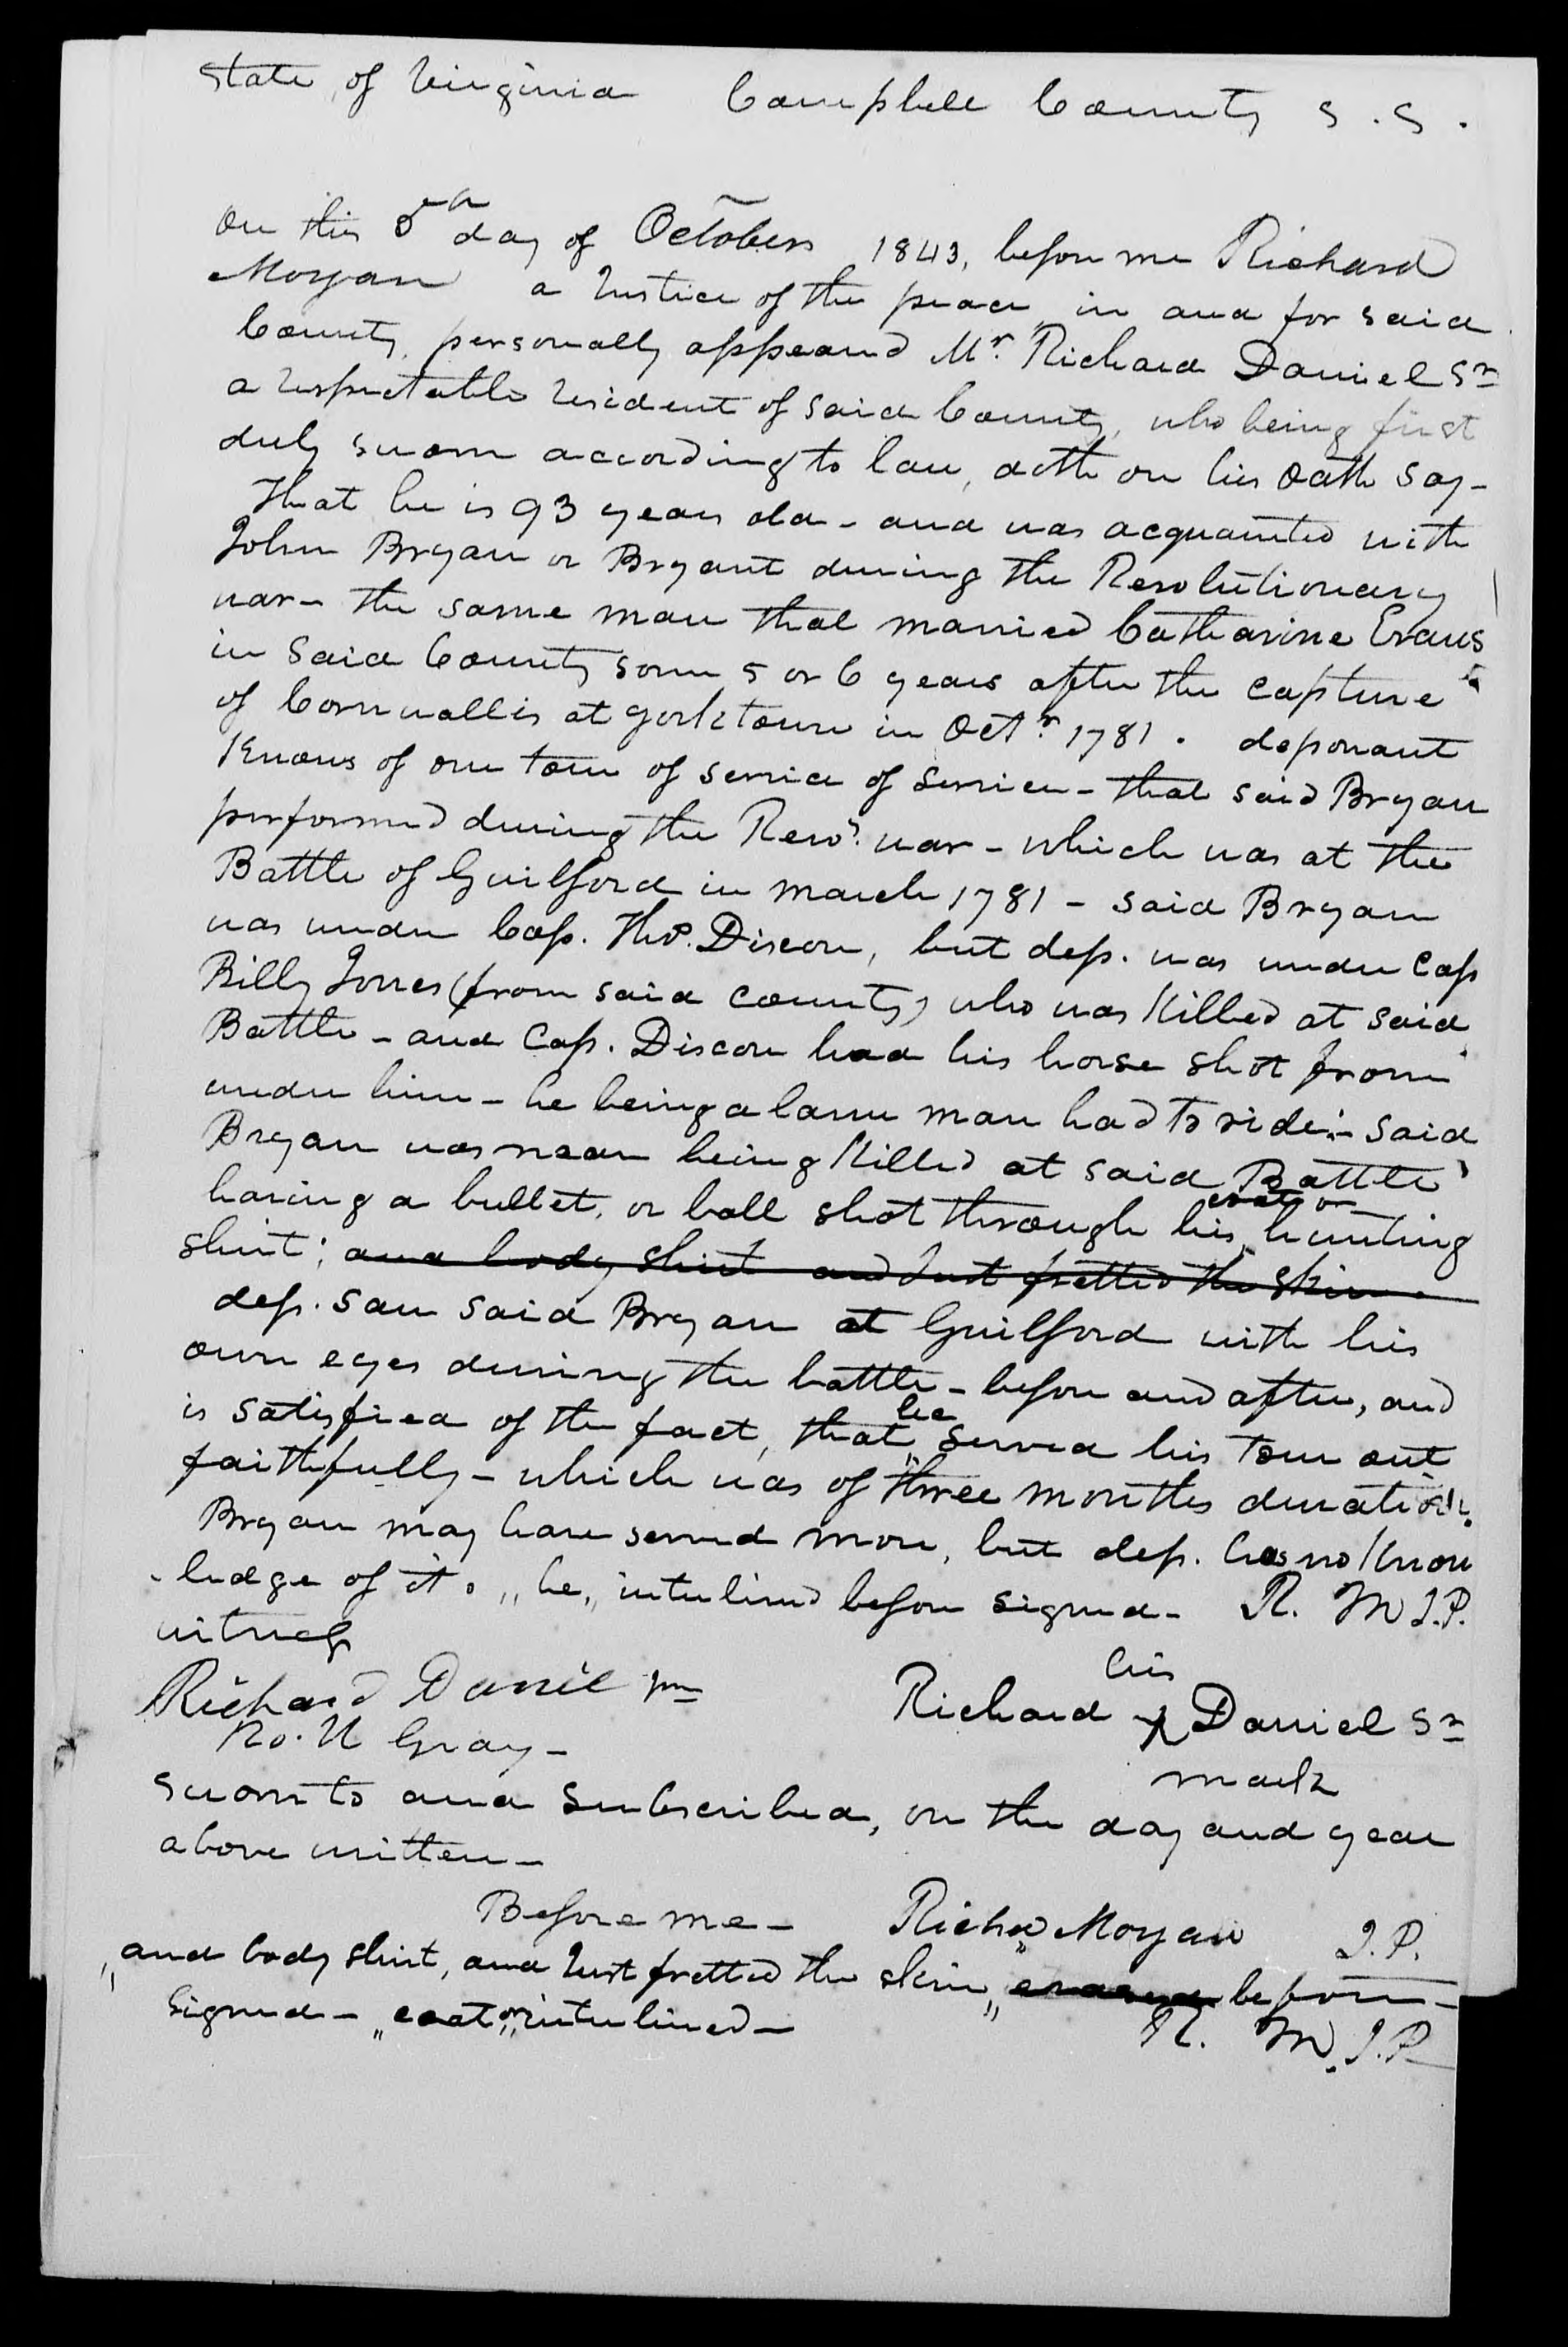State of Virginia Campbell County S.S.

On this 8th day of October 1843, before me Richard Morgan a Justice of the Peace in and for said county, personally appeared Mr. Richard Daniel Sr a respectable resident of said county, who being first duly sworn according to law, oath on his oath says - that he is 93 years old - and was acquainted with John Bryan or Bryant during the Revolutionary war - the same man that married Catharine Evans in said county some 5 or 6 years after the capture of Cornwallis at Yorktown in Oct. 1781. Deponent knows of one tour of service of militia - that said Bryan performed during the Revo war-  which was at the Battle of Guilford in March 1781 - said Bryan was under Capt. Thos. Dixon, but dept. was under Capt. Billy Jones (from said county) who was killed at said Battle – and Capt. Dixon had his horse shot from under him - he being a lame man had to ride: Said Bryan was near being killed at said Battle having a bullet or ball shot through his hunting shirt; [crossed out] and body shirt and just [illegible] the [illegible] Dept. saw said Bryan at Guilford  his town out eyes during the battle - before and after, and is satisfied of the fact, that he served did tour out faithfully - which was of three months duration. Bryan may have served more, but dept. has no knowledge of it. "he, interlined before signed" R. M J.P. 

witness
Richard Daniel m his Richard X Daniel Sr
Ro H Gray - mark
sworn to and subscribed, on the day and year 
above written -

Before me - Richard Morgan J.P.
and Cody Flint, and [illegible] the skin "[illegible] before" interlined
signed – [illegible] - R. M.J.P.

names: Catharine Evans, Richd Morgan, Richard Daniel, Bryan, Dixon, Bryan, Richard Danil, Thos Dixon, Cornwallis, John Bryan, Bryan, John Bryant, Richard Daniel, Bryan, Billy Jones, Ro H Gray, Bryan, Richard Morgan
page: 19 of 31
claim: widow's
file: W. 3759, John Bryan, Va.